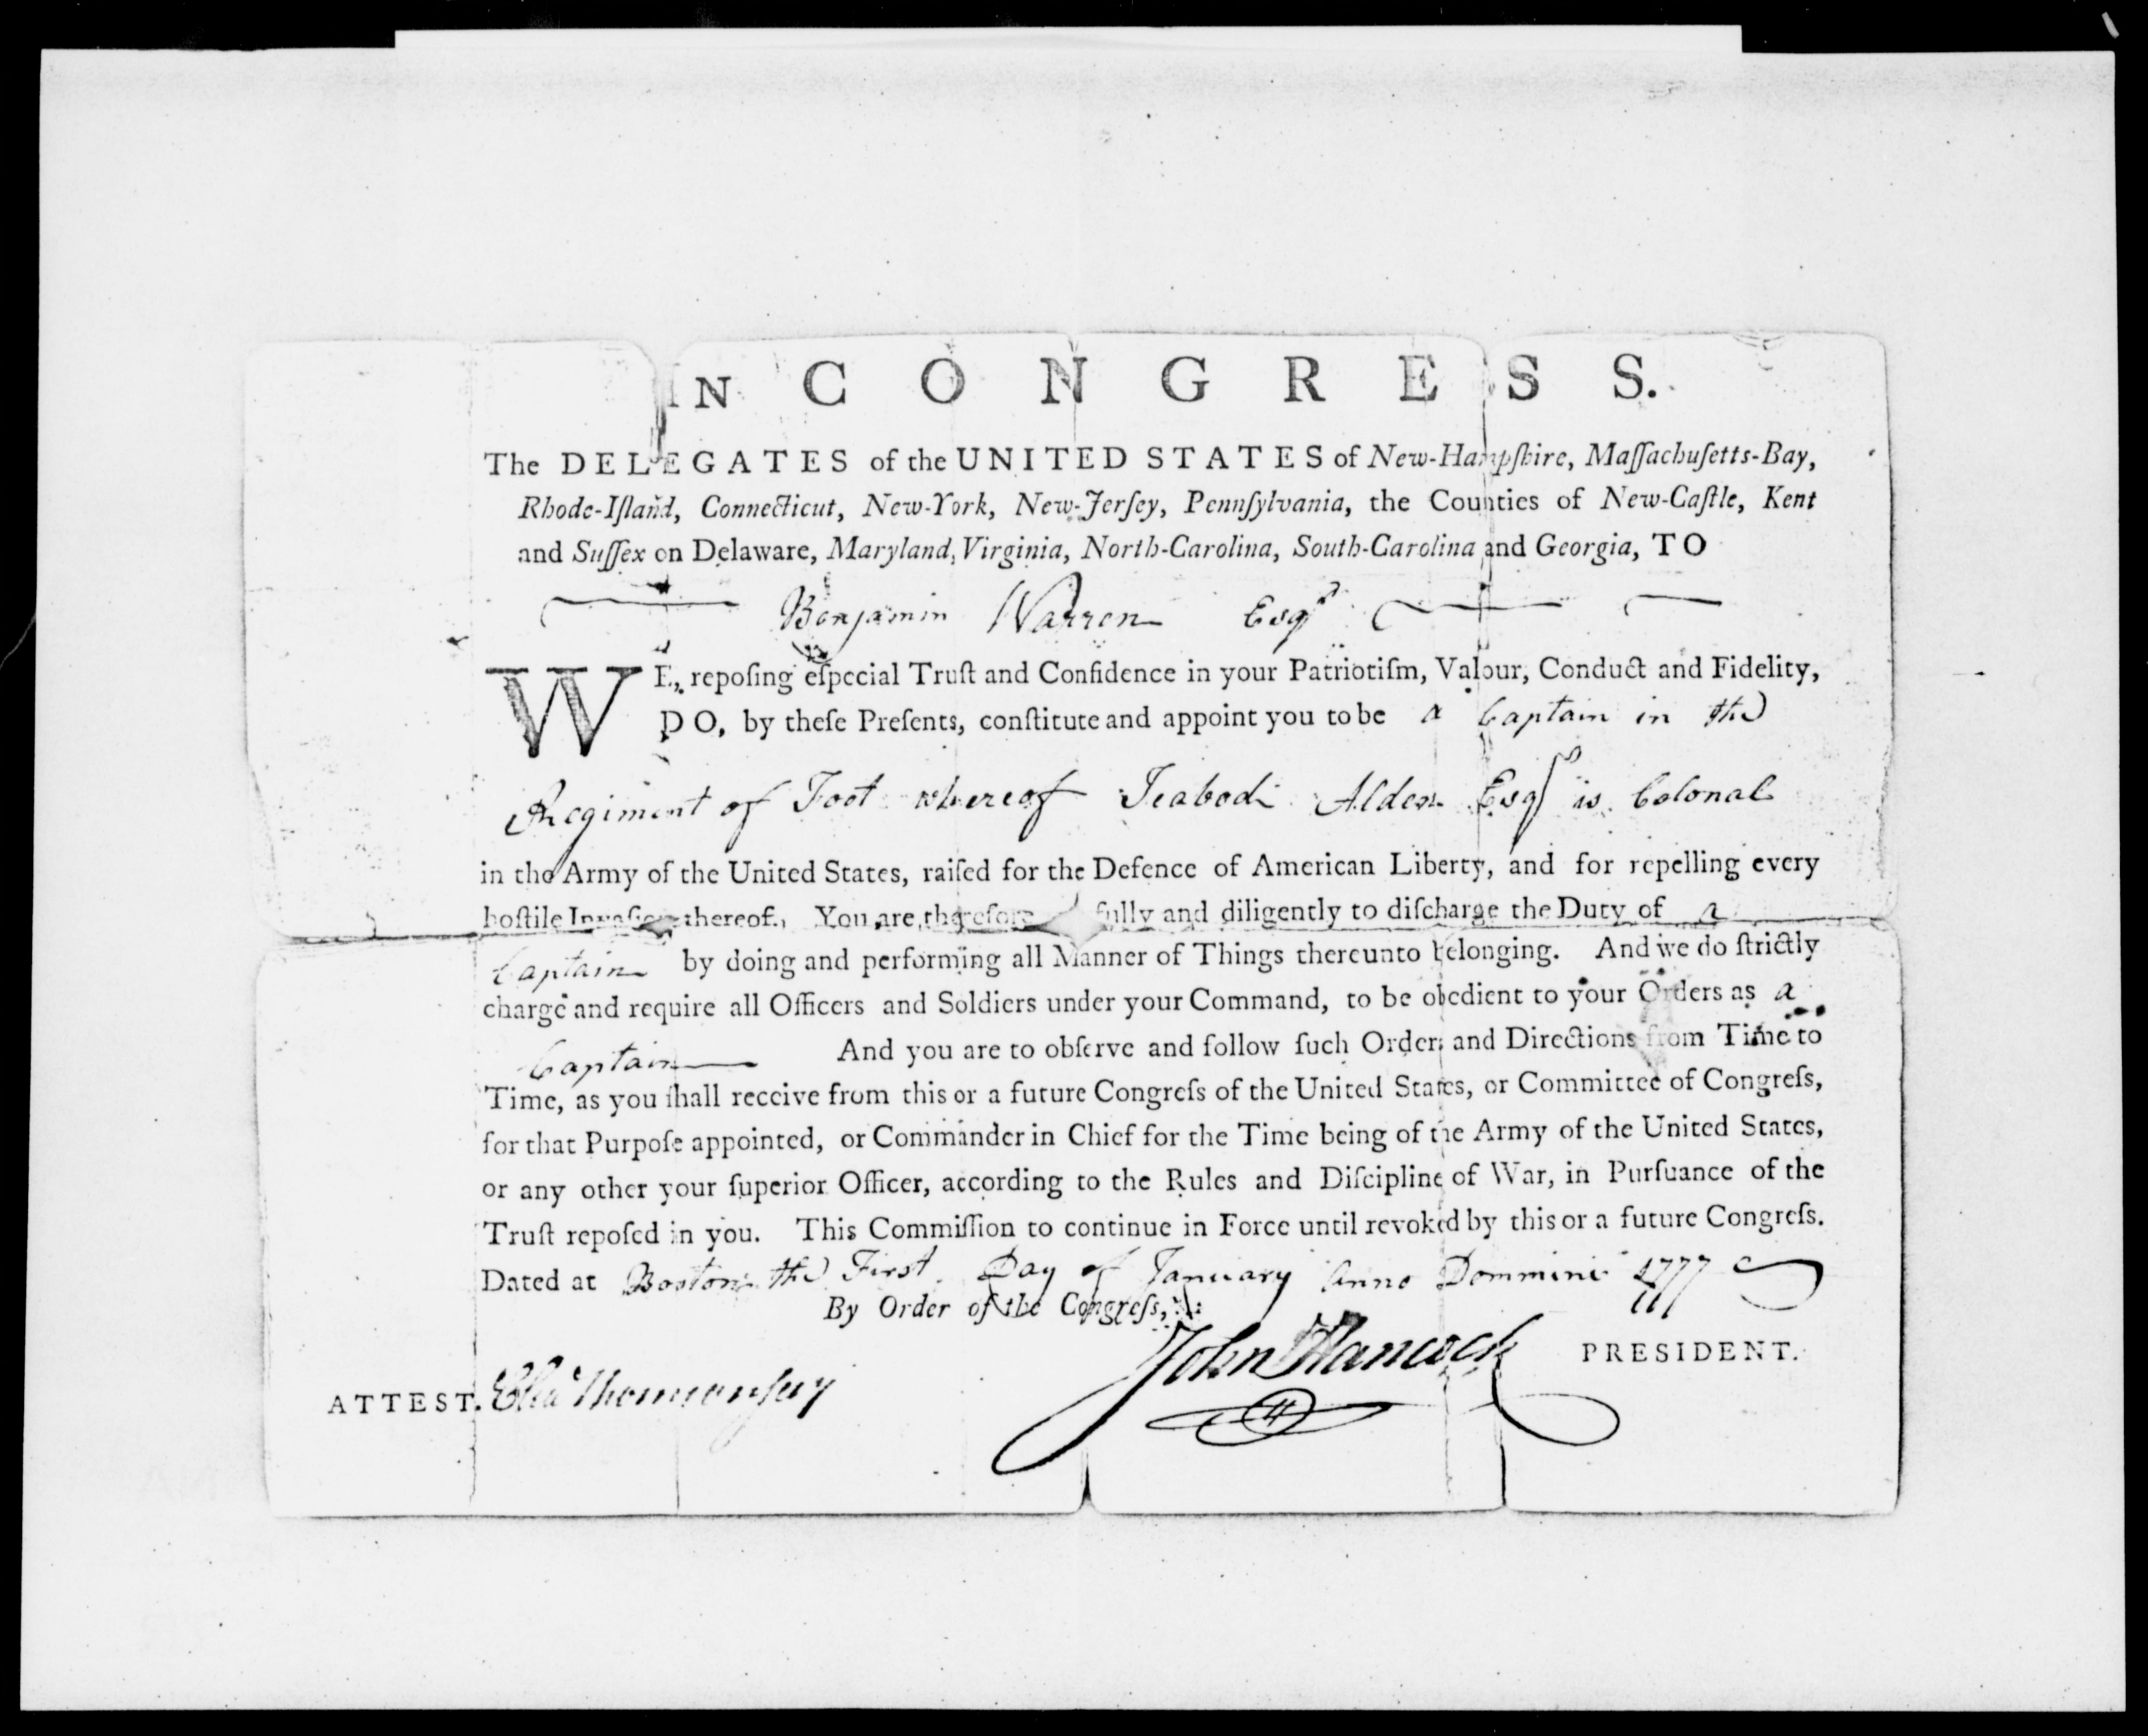IN CONGRESS
The Delegates of the United States of New-Hampshire, Massachusetts-Bay, Rhode-Island, Connecticut, New-York, New-Jersey, Pennsylvania, the Counties of New-Castle, Kent and Suffix in Delaware, Maryland, Virginia, North-Carolina, South-Carolina and Georgia, to
Benjamin Warren Esqr.
We reposing special Trust and Confidence in your Patriotism, Valour, Conduct and Fidelity, do by these Presents, constitute and appoint you to be a Captain in the Regiment of Foot whereof Icabod Alden Esq. is Colonel in the Army of the United States raised for the Defence of American Liberty, and for repelling every hostile invasion thereof. You are therefore fully and diligently to discharge the Duty of Captain by doing and performing all Manner of Things thereunto belonging. And we do strictly charge and require all Officers and Soldiers under your Command, to be obedient to your Orders as a Captain. And you are to observe and follow such Orders and Directions from Time to Time, as you shall receive from this or future Congress of the United States, or Committee of Congress, for that Purpose appointed, or Commander in Chief for the Time being of the Army of the United States, or any other your superior Officer, according to the Rules and Discipline of War, in Pursuance of the Trust reposed in you. This commission to continue in Force until revoked by this or a future Congress.
Dated at Boston the first day of January Anno Domini 1777 By Order of the Congress.
John Hancock, President
Attest Chas. Thomson Secy.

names: Chas Thomson, John Hancock, Icabod Alden, Benjamin Warren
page: 12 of 16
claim: survivor's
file: S. 33229, Benjamin Warren, Mass.